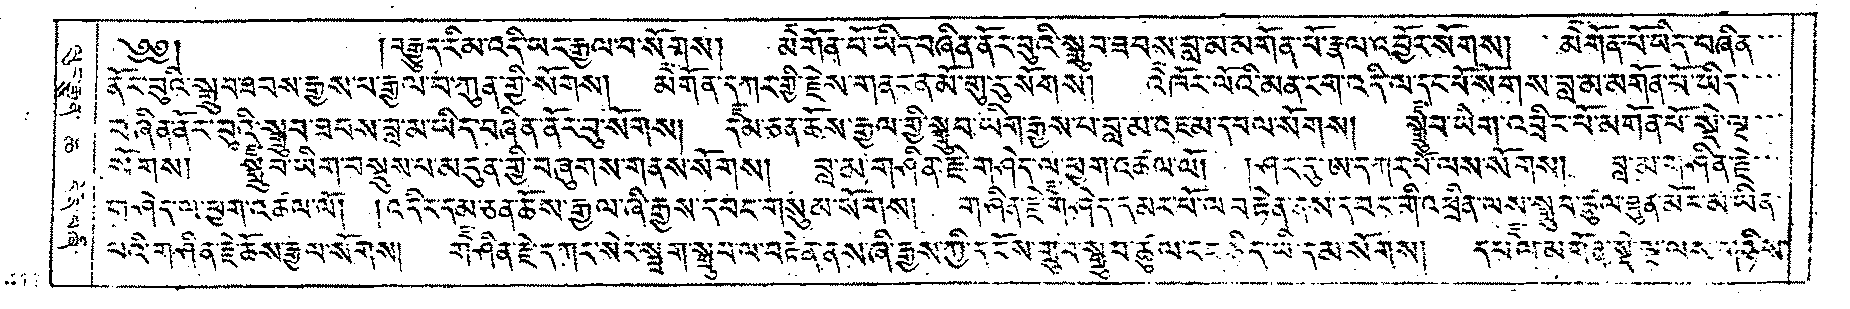༄༅། །བརྒྱུད་རིམ་འདི་ཡང་རྒྱལ་བ་སོགས། མར་མགོན་པོ་ཡིད་བཞིན་ནོར་བུའི་སྒྲུབ་ཐབས་བླ་མ་མགོན་པོ་རྣལ་འབྱོར་སོགས། མར་མགོན་པོ་ཡིད་བཞིན་
ནོར་བུའི་སྒྲུབ་ཐབས་རྒྱས་པ་རྒྱལ་བ་ཀུན་གྱི་སོགས། མར་མགོན་དཀར་གྱི་རྗེས་གནང་ན་མོ་གུ་རུ་སོགས། འཁོར་ལོའི་མན་ངག་འདི་ལ་དང་པོ་སོགས་བླ་མ་མགོན་པོ་ཡིད་
བཞིན་ནོར་བུའི་སྒྲུབ་ཐབས་བླ་མ་ཡིད་བཞིན་ནོར་བུ་སོགས། དམ་ཅན་ཆོས་རྒྱལ་གྱི་སྒྲུབ་ཡིག་རྒྱས་པ་བླ་མ་འཇམ་དཔལ་སོགས། སྒྲུབ་ཡིག་འབྲིང་པོ་མགོན་པོ་སྡེ་ལྔ་
སོགས། སྒྲུབ་ཡིག་བསྡུས་པ་མདུན་གྱི་བཞུགས་གནས་སོགས། བླ་མ་གཤིན་རྗེ་གཤེད་ལ་ཕྱག་འཚལ་ལོ། །ཤར་དུ་ཨ་དཀར་པོ་ལས་སོགས། བླ་མ་གཤིན་རྗེ་
གཤེད་ལ་ཕྱག་འཚལ་ལོ། འདིར་དམ་ཅན་ཆོས་རྒྱལ་ཞི་རྒྱས་དབང་གསུམ་སོགས། གཤིན་རྗེ་གཤེད་དམར་པོ་ལ་བརྟེན་ནས་དབང་གི་འཕྲིན་ལས་སྒྲུབ་ཚུལ་ཐུན་མོང་མ་ཡིན་
པའི་གཤིན་རྗེ་ཆོས་རྒྱལ་སོགས། གཤིན་རྗེ་དཀར་སེར་སྦྲག་སྒྲུབ་ལ་བརྟེན་ནས་ཞི་རྒྱས་ཀྱི་དངོས་གྲུབ་སྒྲུབ་ཚུལ་རང་ཉིད་ཡི་དམ་སོགས། དཔལ་མགོན་སྡེ་ལྔ་ལས་གཉིས་